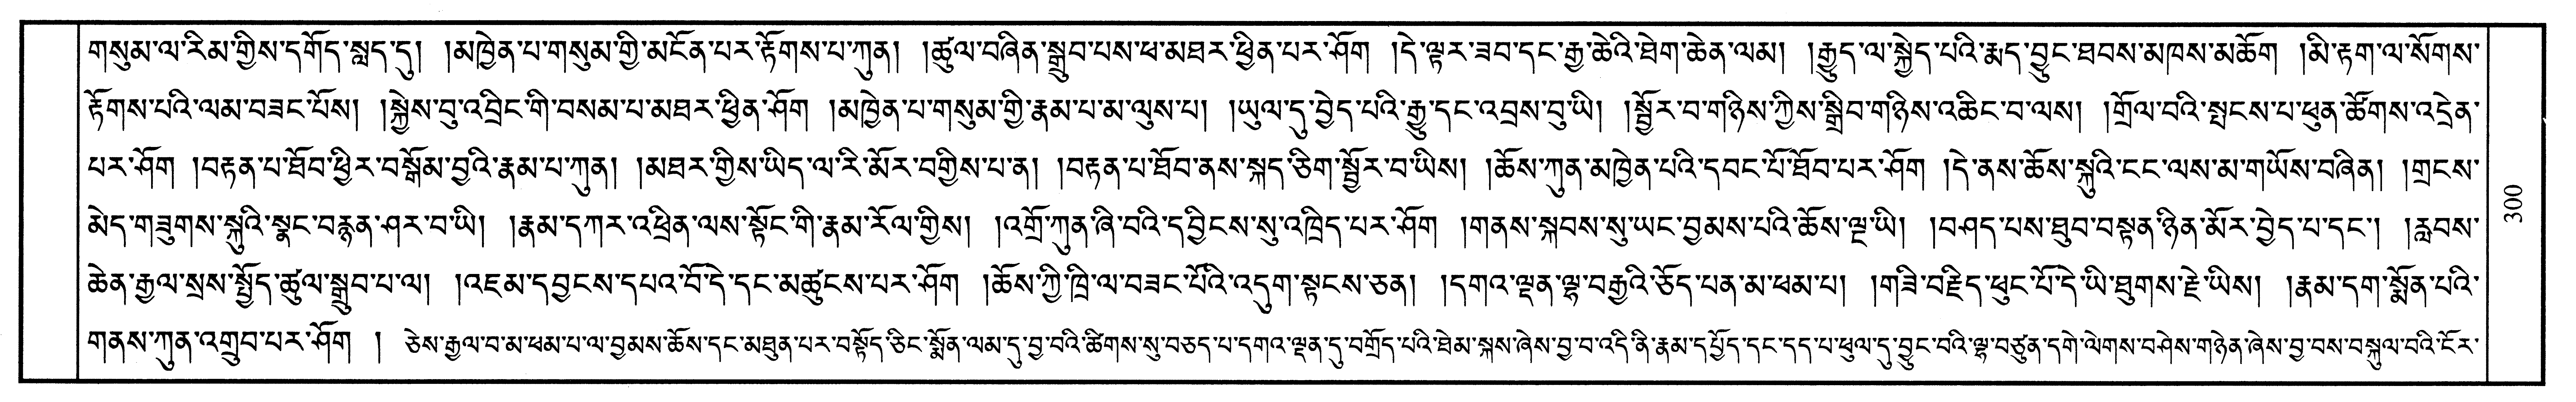གསུམ་ལ་རིམ་གྱིས་དགོད་སླད་དུ། །མཁྱེན་པ་གསུམ་གྱི་མངོན་པར་རྟོགས་པ་ཀུན། །ཚུལ་བཞིན་སྒྲུབ་པས་ཕ་མཐར་ཕྱིན་པར་ཤོག །དེ་ལྟར་ཟབ་དང་རྒྱ་ཆེའི་ཐེག་ཆེན་ལམ། །རྒྱུད་ལ་སྐྱེད་པའི་རྨད་བྱུང་ཐབས་མཁས་མཆོག །མི་རྟག་ལ་སོགས་
རྟོགས་པའི་ལམ་བཟང་པོས། །སྐྱེས་བུ་འབྲིང་གི་བསམ་པ་མཐར་ཕྱིན་ཤོག །མཁྱེན་པ་གསུམ་གྱི་རྣམ་པ་མ་ལུས་པ། །ཡུལ་དུ་བྱེད་པའི་རྒྱུ་དང་འབྲས་བུ་ཡི། །སྦྱོར་བ་གཉིས་ཀྱིས་སྒྲིབ་གཉིས་འཆིང་བ་ལས། །གྲོལ་བའི་སྤངས་པ་ཕུན་ཚོགས་འདྲེན་
པར་ཤོག །བརྟན་པ་ཐོབ་ཕྱིར་བསྒོམ་བྱའི་རྣམ་པ་ཀུན། །མཐར་གྱིས་ཡིད་ལ་རི་མོར་བགྱིས་པ་ན། །བརྟན་པ་ཐོབ་ནས་སྐད་ཅིག་སྦྱོར་བ་ཡིས། །ཆོས་ཀུན་མཁྱེན་པའི་དབང་པོ་ཐོབ་པར་ཤོག །དེ་ནས་ཆོས་སྐུའི་ངང་ལས་མ་གཡོས་བཞིན། །གྲངས་
མེད་གཟུགས་སྐུའི་སྣང་བརྙན་ཤར་བ་ཡི། །རྣམ་དཀར་འཕྲིན་ལས་སྟོང་གི་རྣམ་རོལ་གྱིས། །འགྲོ་ཀུན་ཞི་བའི་དབྱིངས་སུ་འཁྲིད་པར་ཤོག །གནས་སྐབས་སུ་ཡང་བྱམས་པའི་ཆོས་ལྔ་ཡི། །བཤད་པས་ཐུབ་བསྟན་ཉིན་མོར་བྱེད་པ་དང་། །རླབས་
ཆེན་རྒྱལ་སྲས་སྤྱོད་ཚུལ་སྒྲུབ་པ་ལ། །འཇམ་དབྱངས་དཔའ་བོ་དེ་དང་མཚུངས་པར་ཤོག །ཆོས་ཀྱི་ཁྲི་ལ་བཟང་པོའི་འདུག་སྟངས་ཅན། །དགའ་ལྡན་ལྷ་བརྒྱའི་ཅོད་པན་མ་ཕམ་པ། །གཟི་བརྗིད་ཕུང་པོ་དེ་ཡི་ཐུགས་རྗེ་ཡིས། །རྣམ་དག་སྨོན་པའི་
གནས་ཀུན་འགྲུབ་པར་ཤོག །ཅེས་རྒྱལ་བ་མ་ཕམ་པ་ལ་བྱམས་ཆོས་དང་མཐུན་པར་བསྟོད་ཅིང་སྨོན་ལམ་དུ་བྱ་བའི་ཚིགས་སུ་བཅད་པ་དགའ་ལྡན་དུ་བགྲོད་པའི་ཐེམ་སྐས་ཞེས་བྱ་བ་འདི་ནི་རྣམ་དཔྱོད་དང་དད་པ་ཕུལ་དུ་བྱུང་བའི་ལྷ་བཙུན་དགེ་ལེགས་བཤེས་གཉེན་ཞེས་བྱ་བས་བསྐུལ་བའི་ངོར་